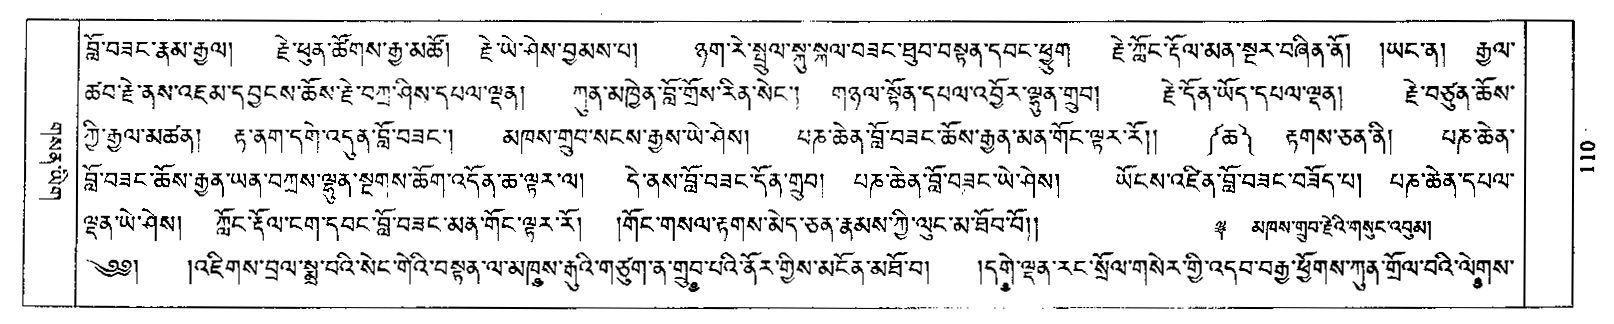བློ་བཟང་རྣམ་རྒྱལ། རྗེ་ཕུན་ཚོགས་རྒྱ་མཚོ། རྗེ་ཡེ་ཤེས་བྱམས་པ། ཉག་རེ་སྤྲུལ་སྐུ་སྐལ་བཟང་ཐུབ་བསྟན་དབང་ཕྱུག་རྗེ་ཀློང་རྡོལ་མན་སྔར་བཞིན་ནོ། །ཡང་ན། རྒྱལ་
ཚབ་རྗེ་ནས་འཇམ་དབྱངས་ཆོས་རྗེ་བཀྲ་ཤིས་དཔལ་ལྡན། ཀུན་མཁྱེན་བློ་གྲོས་རིན་སེང་། གཉལ་སྟོན་དཔལ་འབྱོར་ལྷུན་གྲུབ། རྗེ་དོན་ཡོད་དཔལ་ལྡན། རྗེ་བཙུན་ཆོས་
ཀྱི་རྒྱལ་མཚན། རྟ་ནག་དགེ་འདུན་བློ་བཟང་། མཁས་གྲུབ་སངས་རྒྱས་ཡེ་ཤེས། པཎ་ཆེན་བློ་བཟང་ཆོས་རྒྱན་མན་གོང་ལྟར་རོ།། ?ཆ་རྟགས་ཅན་ནི། པཎ་ཆེན་
བློ་བཟང་ཆོས་རྒྱན་ཡན་བཀྲས་ལྷུན་སྔགས་ཆོག་འདོན་ཆ་ལྟར་ལ། དེ་ནས་བློ་བཟང་དོན་གྲུབ། པཎ་ཆེན་བློ་བཟང་ཡེ་ཤེས། ཡོངས་འཛིན་བློ་བཟང་བཟོད་པ། པཎ་ཆེན་དཔལ་
ལྡན་ཡེ་ཤེས། ཀློང་རྡོལ་ངག་དབང་བློ་བཟང་མན་གོང་ལྟར་རོ། །གོང་གསལ་རྟགས་མེད་ཅན་རྣམས་ཀྱི་ལུང་མ་ཐོབ་བོ།། ༈ མཁས་གྲུབ་རྗེའི་གསུང་འབུམ།
༄༅། །འཇིགས་བྲལ་སྨྲ་བའི་སེང་གེའི་བསྟན་ལ་མཁས་རྒུའི་གཙུག་ན་གྲུབ་པའི་ནོར་གྱིས་མངོན་མཐོ་བ། །དགེ་ལྡན་རང་སྲོལ་གསེར་གྱི་འདབ་བརྒྱ་ཕྱོགས་ཀུན་གྲོལ་བའི་ལེགས་